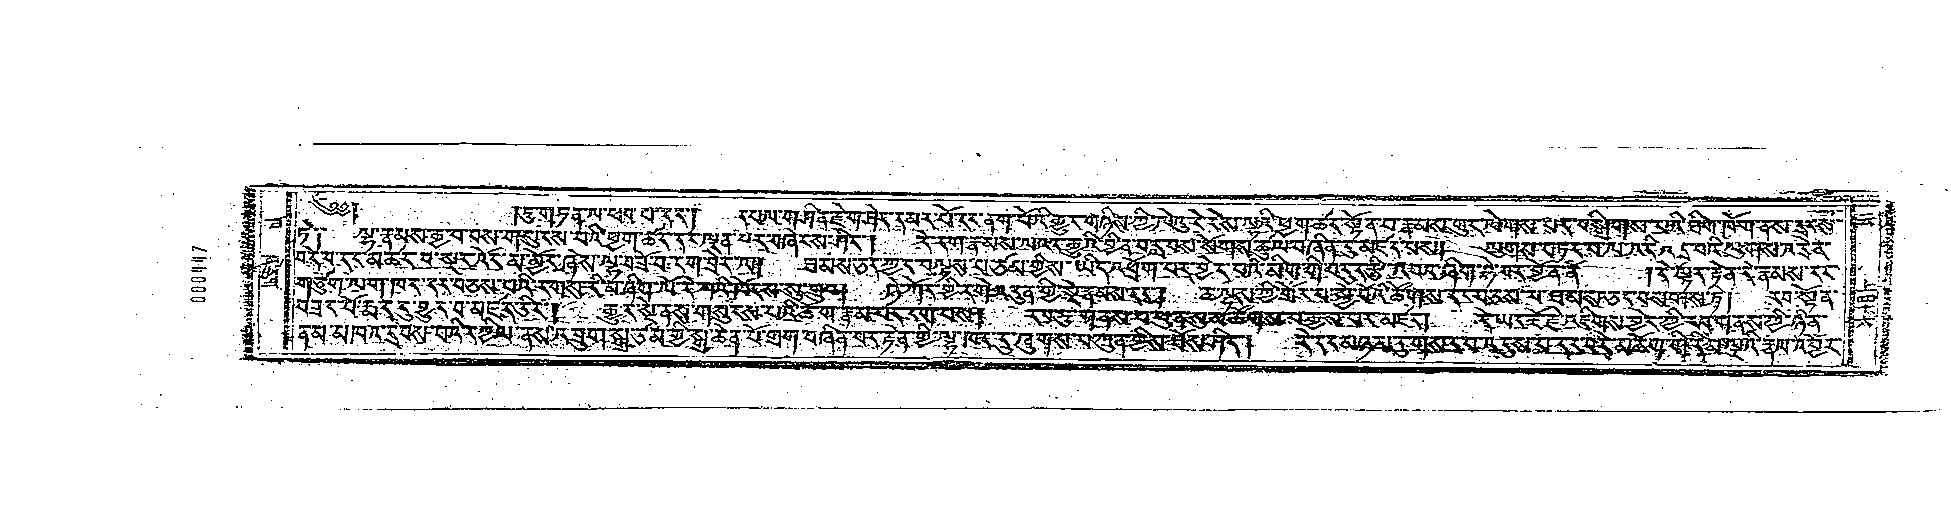༄༅། །ཏུ་གཏན་ལ་ཕབ་པ་དང་། དཔལ་གཤིན་རྗེ་གཤེད་དམར་པོ་དང་ནག་པོའི་རྒྱུད་གཉིས་ཀྱི་ལེའུ་རེ་རེས་ལྷའི་ཕྱག་ཚད་སྟོན་པ་རྣམས་གུང་ལེགས་པར་བསྒྲིགས་པའི་ཐིག་ཁོག་ནས་དྲངས་
ཏེ༑ ལྷ་རྣམས་རྒྱ་བ་བས་གསུངས་པའི་ཕྱག་ཚད་དང་ལྡན་པར་བཞེངས་ཤིང་། དེ་དག་རྣམས་ལའང་རྒྱུའི་བྱིན་བརླབས་སོགས་ཚུལ་བཞིན་དུ་མཛད་པས། ལུགས་བཏང་བ་ལ་འདི་འདྲ་བའི་ལུགས་འདྲེན་
བདེ་བ་དང་མཚར་བ་སྔར་འོང་མ་མྱོང་ཞེས་ལྷ་བཟོ་བ་དག་བྲེར་ལ། ཐམས་ཅད་ཀྱང་བལྟས་པ་ཙམ་གྱིས་ཡིད་འཕྲོག་པར་བྱེད་པའི་མིག་གི་བདུད་རྩི་འབའ་ཞིག་ཉེ་བར་བྱོན་ནོ། །དེ་ལྟར་རྟེན་དེ་རྣམས་དང་
གཙུག་ལག་ཁང་དང་བཅས་པའི་རགས་རིམ་ཞིག་ལོ་དེ་ཀའི་ཁོངས་སུ་གྲུབ། ཉེ་ཀོར་གྱི་དགེ་འདུན་གྱི་སྡེ་རྣམས་དང་། ཆ་ལྷས་ཀྱི་གྲོང་པ་སྐྱེ་བོའི་ཚོགས་དང་བཅས་པ་ཐམས་ཅད་བསགས་ཏེ། རབ་སྟོན་
བཟང་པོ་རྨད་དུ་བྱུང་བ་མཛད་ཅིང་། རྒྱུད་སྡེ་ནས་གསུངས་པའི་ཆོ་ག་རྣམ་པར་དག་པས། རབ་ཏུ་གནས་བ་ཕུན་སུམ་ཚོགས་པ་རྒྱས་པར་མཛད། དེ་ཡང་རྡོ་རྗེ་འཇིགས་བྱེད་ཀྱི་རབ་གནས་ཀྱི་ཉིན་
ནམ་མཁའ་དྲབས་པའི་དཀྱིལ་ནས་འབྲུག་སྒྲ་ཙམ་གྱི་སྒྲ་ཆེན་པོ་གྲག་བཞིན་པར་རྟེན་གྱི་ལྷ་ཁང་དུ་ཞུགས་པ་ཀུན་གྱིས་ཐོས་ཤིང་། དེ་དང་མཉམ་དུ་གསང་བ་འདུས་པ་དང་བདེ་མཆོག་གི་རིམ་ལྔའི་རྣལ་འབྱོར་